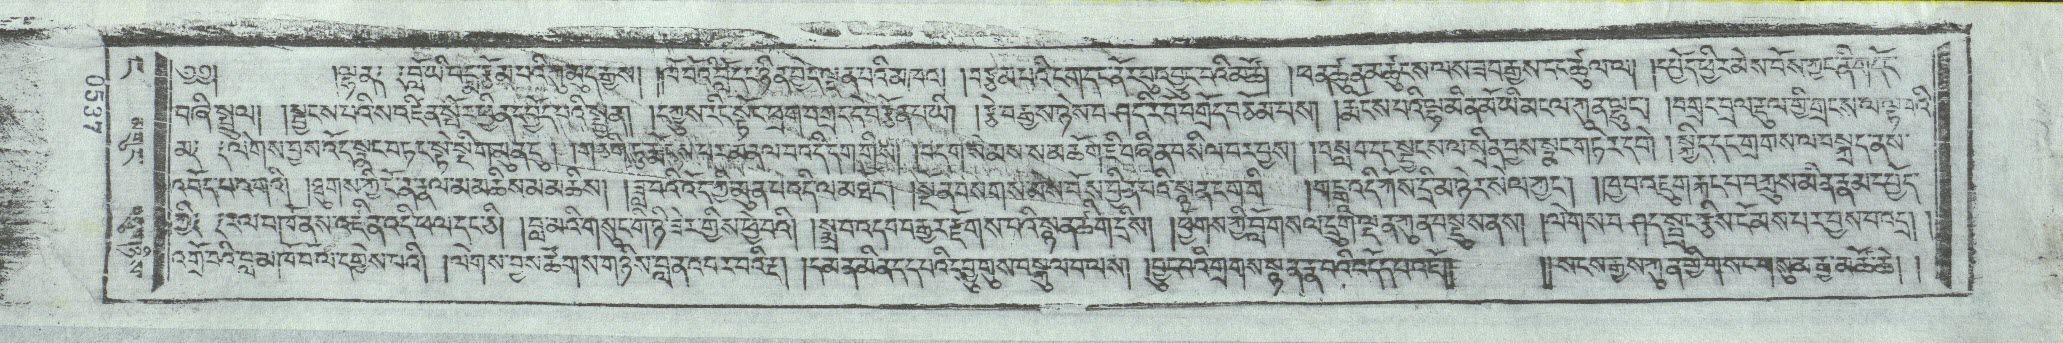༄༅། །ལྷན༑ ༑བློ་ཡི་པདམ་རྩོམ་པའི་ཀུ་མུད་རྒྱས། །ཁོ་བོའི་བློ་དང་ཉིན་བྱེད་ལྡན་པའི་མཁའ། །བརྩམ་པའི་ངག་དང་ནོར་བུ་འབྱུང་བའི་མཚོ། །ཕན་ཚུན་མཚུངས་ལས་ཟབ་རྒྱས་དང་ཚུལ་ལ། །དཔྱོད་ཕྱིར་མེས་བོས་ཀྱང་ནི་གདོང་
བཞི་སྤྲུལ། །སྦྱངས་པའི་ས་འཛིན་སྤོར་ཕྱིན་དཔྱོད་པའི་སྤྱན། །དཀྱུས་རིང་སྟོང་ཕྲག་བགྲད་དེ་བརྩོན་པ་ཡི། །རྩེ་བརྒྱས་ཉེས་བཤད་རི་བོ་བགྲོད་བཅོམ་པས། །རྨོངས་པའི་ལྷ་མིན་མོ་ཡི་མངལ་ཀུན་ལྷུང་། །བགྲང་བྲལ་རྡུལ་གྱི་གྲངས་ལ་ལྟ་བའི་
མ༑ ༑ལེགས་བྱས་འོད་སྣང་བཏང་སྟེ་སྡིག་མུན་དུ། །གཅིག་ཏུ་རྨོངས་བར་མནལ་བ་འདི་དག་གིས། །བདག་སེམས་ས་མཆོག་ཇི་བཞིན་བསིལ་བར་བྱས། །བསླབ་དང་སྦྱངས་ལ་སྲིན་བྱས་སྣང་གཏིར་དཔེ། །སྐྱིད་དང་གྲགས་ལ་བསྐྲད་ནས་
འབོད་པ་འགའི། །ཐུགས་ཀྱི་ངོ་ན་རྣལ་མ་མཆིས་མ་མཆིས། །ཟླ་བའི་འོད་ཀྱི་མུན་པ་འདི་ལ་མཐོང་། །སྔོན་བསགས་མེས་བོས་བྱིན་པའི་སྙན་ངག་གི །གངྒཱ་འདི་ཀོས་དྲི་མ་ཉེར་སེལ་ཀྱང་། །ཁྱབ་འཇུག་རྐང་པ་བ་ཀྲུས་མིན་རྣམ་དཔྱོད་
ཀྱི༑ ༑རལ་བ་ཁོ་ནས་འཛིན་འདི་ཕལ་དང་ཅི། །བླ་མའི་གསུང་གི་ཉི་ཟེར་གྱིས་ཕྱེ་བའི། །སྨྲ་བ་འདབ་བརྒྱར་རྫོགས་པའི་སྙན་ཚིག་དྲིས། །ཕྱོགས་ཀྱི་བློ་གསལ་དྲུག་ལྡན་ཀུན་བསྡུས་ནས། །ལེགས་བཤད་སྦྲང་རྩིས་ངོམས་པར་བྱས་བ་འདྲ། །
འགྲོ་བའི་བླ་མ་ཁོ་བོ་ལ་དགྱེས་པའི། །ལེགས་བྱས་ཚོགས་གཉིས་བླ་ན་འབར་བའི་རྔ། །དམན་མིན་དད་པའི་དབྱུ་གུས་བསྐུལ་བ་ལས། །བྱུང་བའི་གྲགས་སྙན་རྣ་བའི་འདོད་པ་འཇོ།། །།སངས་རྒྱས་ཀུན་གྱི་གསང་གསུམ་རྒྱ་མཚོ་ཆེ། །